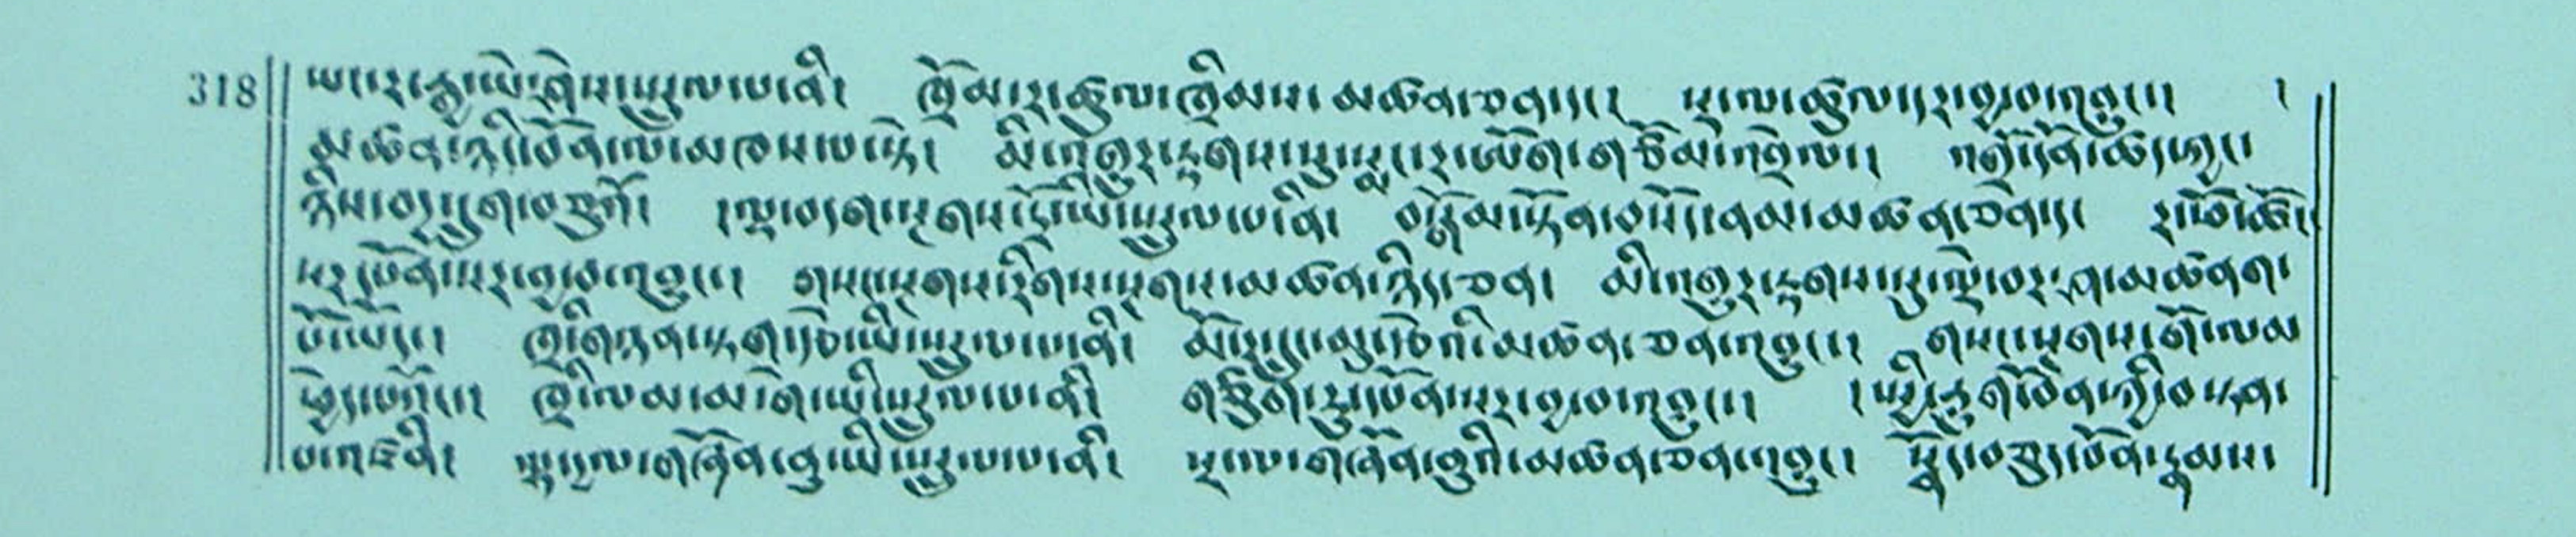ཡང་ར་རྒྱ་ཡེ་ཤེས་སྤྲུལ་པ་ནི། ཁྲོམ་ར་ཚུལ་ཁྲིམས་མཚན་ཅན་དང་། སྲ་ལ་ཚུལ་དར་བྱ་བ་འབྱུང་།
 མཚན་ཉིད་བོན་ལ་མཁས་པ་སྟེ། མི་འགྱུར་རྟགས་སུ་སྨྲང་ར་ཨག་ཚོམ་འབྲེལ། འགྲོ་དོན་ཚད་ཀྱང་
ཉིས་བརྒྱ་དྲུག་བཅུའོ། །ལྷ་བདག་སྔགས་དྲོའི་སྤྲུལ་པ་ནི། སྒོམ་སྟོན་བསོད་ནམས་མཚན་ཅན་དང་། ར་ཕོ་ཚོང་
སར་དཔོན་སར་བྱ་བར་འབྱུང་། གསང་སྔགས་རིགས་སྔགས་མཚན་ཉིད་ཅན། མི་འགྱུར་རྟགས་སུ་ལྟེ་བར་ཤ་མཚན་
ནག་པོ་ཡོད། ཁྲི་གཉན་སྟག་རྩེ་ཡི་སྤྲུལ་པ་ནི། མོ་ར་དྲུང་མུ་རྩེའི་མཚན་ཅན་འབྱུང་། གསང་སྔགས་གོ་ལམ་
ཕྱེད་པ་འོང་། ཁྲི་ལམ་མ་གེ་ཡི་སྤྲུལ་པ་ནི། གཙུག་ཏུ་དཔོན་སར་བྱ་བ་འབྱུང་། སྤྱི་རྒྱུགས་བོན་གྱི་བསྟན་
པ་འཛིན། ལྷ་རྒྱལ་གཞོན་ནུ་ཡི་སྤྲུལ་པ་ནི། སྲ་ལ་གཞོན་ནུའི་མཚན་ཅན་འབྱུང་། སྣོད་བཅུད་བོན་རྣམས་